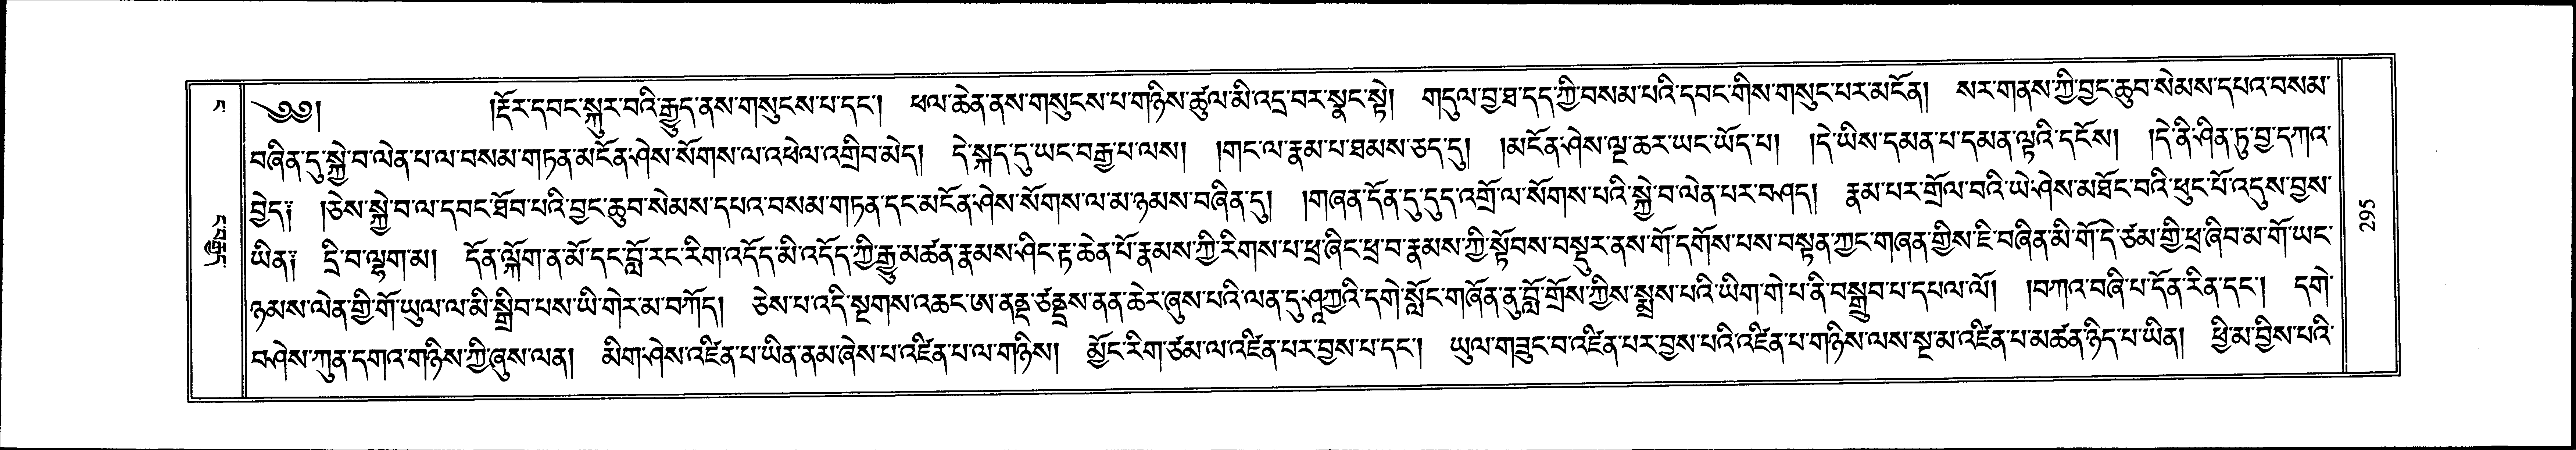༄༅། །རྡོར་དབང་སྐུར་བའི་རྒྱུད་ནས་གསུངས་པ་དང་། ཕལ་ཆེན་ནས་གསུངས་པ་གཉིས་ཚུལ་མི་འདྲ་བར་སྣང་སྟེ། གདུལ་བྱ་ཐ་དད་ཀྱི་བསམ་པའི་དབང་གིས་གསུང་པར་མངོན། སར་གནས་ཀྱི་བྱང་ཆུབ་སེམས་དཔའ་བསམ་
བཞིན་དུ་སྐྱེ་བ་ལེན་པ་ལ་བསམ་གཏན་མངོན་ཤེས་སོགས་ལ་འཕེལ་འགྲིབ་མེད། དེ་སྐད་དུ་ཡང་བརྒྱ་པ་ལས། །གང་ལ་རྣམ་པ་ཐམས་ཅད་དུ། །མངོན་ཤེས་ལྔ་ཆར་ཡང་ཡོད་པ། །དེ་ཡིས་དམན་པ་དམན་ལྟའི་དངོས། །དེ་ནི་ཤིན་ཏུ་བྱ་དཀའ་
བྱེད། །ཅེས་སྐྱེ་བ་ལ་དབང་ཐོབ་པའི་བྱང་ཆུབ་སེམས་དཔའ་བསམ་གཏན་དང་མངོན་ཤེས་སོགས་ལ་མ་ཉམས་བཞིན་དུ། །གཞན་དོན་དུ་དུད་འགྲོ་ལ་སོགས་པའི་སྐྱེ་བ་ལེན་པར་བཤད། རྣམ་པར་གྲོལ་བའི་ཡེ་ཤེས་མཐོང་བའི་ཕུང་པོ་འདུས་བྱས་
ཡིན། དྲི་བ་ལྷག་མ། དོན་ལྐོག་ན་མོ་དང་བློ་རང་རིག་འདོད་མི་འདོད་ཀྱི་རྒྱུ་མཚན་རྣམས་ཤིང་རྟ་ཆེན་པོ་རྣམས་ཀྱི་རིགས་པ་ཕྲ་ཞིང་ཕྲ་བ་རྣམས་ཀྱི་སྟོབས་བསྡུར་ནས་གོ་དགོས་པས་བསྟན་ཀྱང་གཞན་གྱིས་ཇི་བཞིན་མི་གོ་དེ་ཙམ་གྱི་ཕྲ་ཞིབ་མ་གོ་ཡང་
ཉམས་ལེན་གྱི་གོ་ཡུལ་ལ་མི་སྒྲིབ་པས་ཡི་གེར་མ་བཀོད། ཅེས་པ་འདི་སྔགས་འཆང་ཨ་ནནྡ་ཙནྡྲས་ནན་ཆེར་ཞུས་པའི་ལན་དུ་ཤཱཀྱའི་དགེ་སློང་གཞོན་ནུ་བློ་གྲོས་ཀྱིས་སྨྲས་པའི་ཡིག་གེ་པ་ནི་བསྒྲུབ་པ་དཔལ་ལོ། །བཀའ་བཞི་པ་དོན་རིན་དང་། དགེ་
བཤེས་ཀུན་དགའ་གཉིས་ཀྱི་ཞུས་ལན། མིག་ཤེས་འཛིན་པ་ཡིན་ནམ་ཞེས་པ་འཛིན་པ་ལ་གཉིས། མྱོང་རིག་ཙམ་ལ་འཛིན་པར་བྱས་པ་དང་། ཡུལ་གཟུང་བ་འཛིན་པར་བྱས་པའི་འཛིན་པ་གཉིས་ལས་སྔ་མ་འཛིན་པ་མཚན་ཉིད་པ་ཡིན། ཕྱི་མ་བྱིས་པའི་